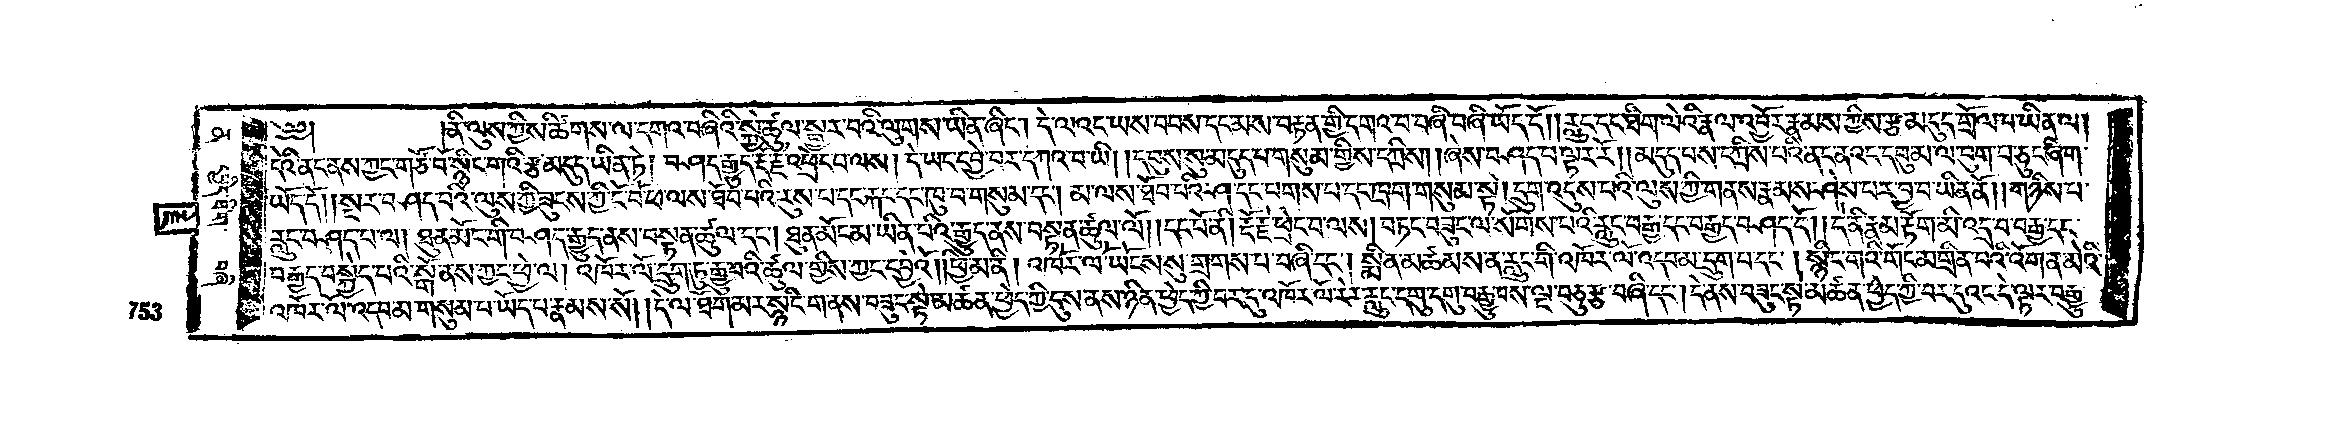༄༅། །ནི་ལུས་ཀྱིས་ཚིགས་ལ་དགའ་བཞིའི་སྐྱེ་ཚུལ་སྦྱར་བའི་ལུགས་ཡིན་ཞིང་། དེ་ལའང་ཡས་བབས་དང་མས་བརྟན་གྱི་དགའ་བ་བཞི་བཞི་ཡོད་དོ། །རླུང་དང་ཐིག་ལེའི་རྣལ་འབྱོར་རྣམས་ཀྱིས་རྩ་མདུད་གྲོལ་བ་ཡིན་ལ།
དེའི་ནང་ནས་ཀྱང་གཙོ་བོ་སྙིང་གའི་རྩ་མདུད་ཡིན་ཏེ། བཤད་རྒྱུད་རྡོ་རྗེ་འཕྲེང་བ་ལས། དེ་ཡང་དབྱེ་བར་དཀའ་བ་ཡི། །དབུས་སུ་མདུད་པ་གསུམ་གྱིས་དཀྲིས། །ཞེས་བཤད་པ་ལྟར་རོ། །མདུད་པས་དཀྲིས་པའི་ནང་ནའང་དབུ་མ་ལ་བུག་པ་ཅུང་ཞིག་
ཡོད་དོ། །སྔར་བཤད་པའི་ལུས་ཀྱི་ཟུངས་ཀྱི་ངོ་བོ་ཕ་ལས་ཐོབ་པའི་རུས་པ་དང་རྐང་དང་ཁུ་བ་གསུམ་དང་། མ་ལས་ཐོབ་པའི་ཤ་དང་པགས་པ་དང་ཁྲག་གསུམ་སྟེ། དྲུག་འདུས་པའི་ལུས་ཀྱི་གནས་རྣམས་ཤེས་པར་བྱ་བ་ཡིན་ནོ། །གཉིས་པ་
རླུང་བཤད་པ་ལ། ཐུན་མོང་གི་བཤད་རྒྱུད་ནས་བསྟན་ཚུལ་དང་། ཐུན་མོང་མ་ཡིན་པའི་རྒྱུད་ནས་བསྟན་ཚུལ་ལོ། །དང་པོ་ནི། རྡོ་རྗེ་ཕྲེང་བ་ལས། བཏང་བཟུང་ལ་སོགས་པའི་རླུང་བརྒྱ་དང་བརྒྱད་བཤད་དོ། །དེ་ནི་རྣམ་རྟོག་མི་འདྲ་བ་བརྒྱ་དང་
བརྒྱད་བསྐྱེད་པའི་སྒོ་ནས་ཀྱང་ཕྱེ་ལ། འཁོར་ལོ་དྲུག་ཏུ་རྒྱུ་བའི་ཚུལ་གྱིས་ཀྱང་དབྱེའོ། །ཕྱི་མ་ནི། འཁོར་ལོ་ཡོངས་སུ་གྲགས་པ་བཞི་དང་། སྨིན་མཚམས་ན་རླུང་གི་འཁོར་ལོ་འདབ་མ་དྲུག་པ་དང་། སྙིང་གའི་གོང་མགྲིན་པའི་འོག་ན་མེའི་
འཁོར་ལོ་འདབ་མ་གསུམ་པ་ཡོད་པ་རྣམས་སོ། །དེ་ལ་ཐོག་མར་སྙིང་ག་ནས་བཟུང་སྟེ་མཚན་ཕྱེད་ཀྱི་དུས་ནས་ཉིན་ཕྱེད་ཀྱི་བར་དུ་འཁོར་ལོ་རེར་རླུང་དགུ་དགུ་བརྒྱུ་བས་ལྔ་བཅུ་རྩ་བཞི་དང་། དེ་ནས་བཟུང་སྟེ་མཚན་ཕྱེད་ཀྱི་བར་དུའང་དེ་ལར་བརྒྱུ་